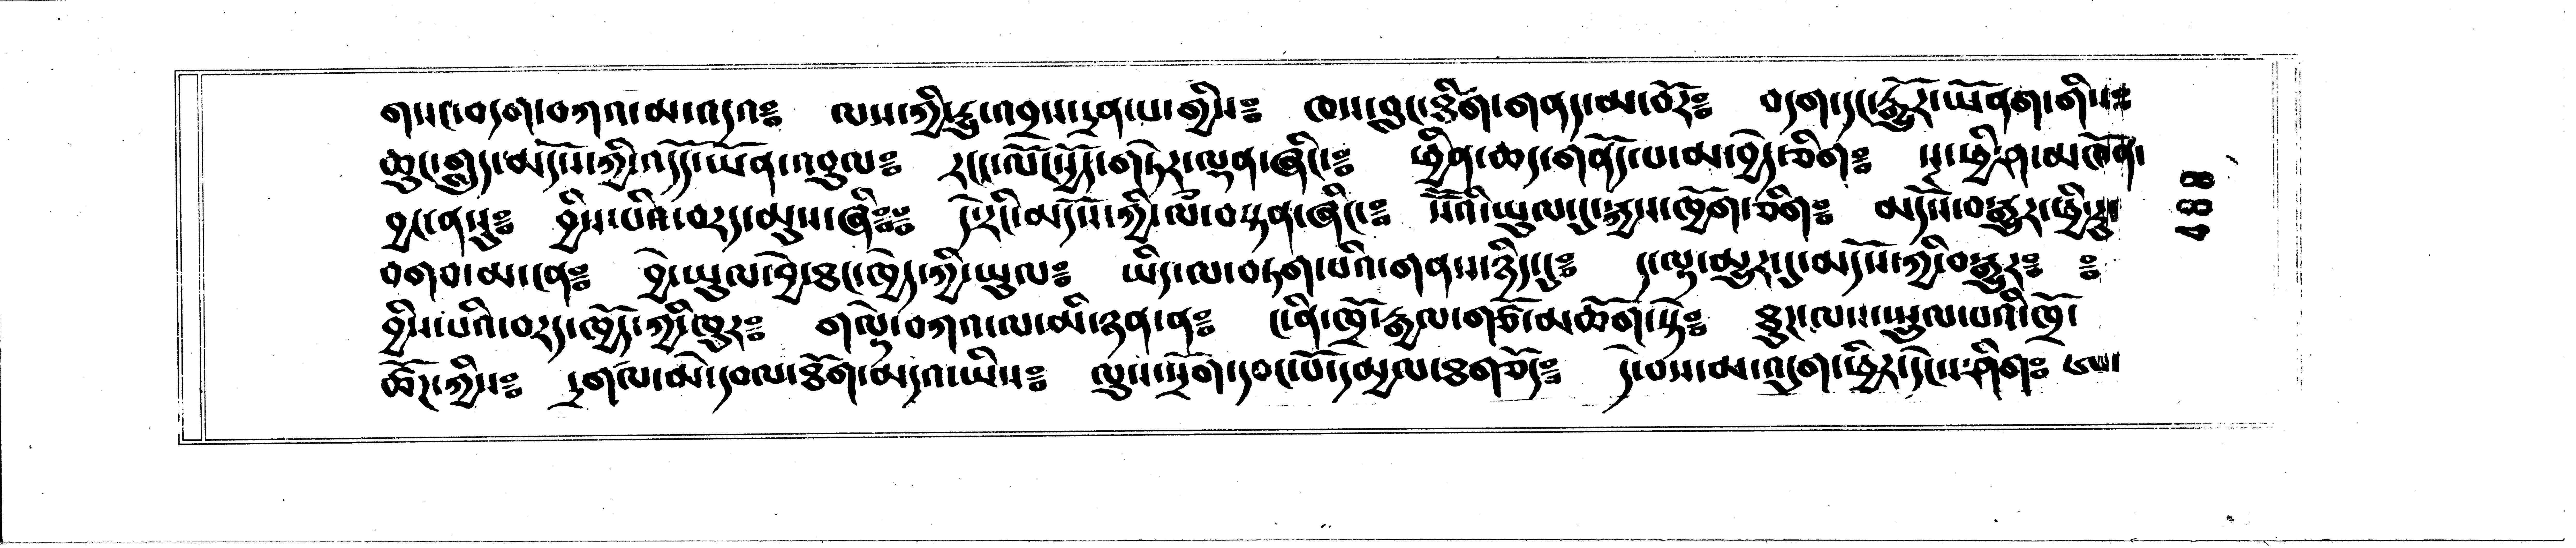གསང་བདག་བཀའ་མ་འདའ༔ལས་ཀྱི་རྒྱུ་འབྲས་དྲན་པ་གྱིས༔ཁས་བླང་ཐ་ཚིག་གནད་མ་བོར༔བདག་དང་རྒྱུ་སྦྱོར་ཡོན་བདག་གིས༔
ཆུང་གླུད་མདོས་ཀྱི་འདོད་ཡོན་འབུལ༔རང་ལ་ལོངས་སྤྱོད་གཏེར་ལྡན་ཞིང་༔ཕྱིན་ཆད་གནོད་པ་མ་བྱེད་ཅིག༔སྔ་ཕྱི་ཤ་འཁོན་
བྱང་ནས་སུ༔བྱིས་པའི་བར་ཆད་མ་ལུས་ཞི༔༔དེ་རིང་མདོས་ཀྱི་ལམ་བསྟན་ཞིང་༔སོ་སོའི་ཡུལ་དུ་སྐྱས་ཁྱོག་ཅིག༔མདོས་བསྒྱུར་ཕྱི་རུ་
བགབ་མ་ངན༔བྱེ་ཡུལ་བྱེ་ཐང་ཁྱེད་ཀྱི་ཡུལ༔ཡིད་ལ་བཏགས་པའི་གནས་ཉིད་དུ༔ད་ལྟ་མྱུར་དུ་མདོས་ཀྱིས་བསྒྱུར༔
བྱིས་པའི་བར་ཆད་ཁྱོད་ཀྱི་ཁུར༔གལ་ཏེ་བཀའ་ལ་མི་ཉན་ན༔ང་ནི་ཁྲོ་རྒྱལ་གཙོ་མཆོག་སྟེ༔ཐུགས་ལས་སྤྲུལ་པའི་ཁྲོ་
ཚོགས་ཀྱིས༔དྲག་རྩལ་མེ་དབལ་ཐོག་མདའ་ཡིས༔ལུས་སྲོག་དབང་པོ་དམྱལ་ཐག་གཅོད༔དེ་བས་མ་འདུག་ཕྱིར་དེངས་ཤིག༔ ཨ་